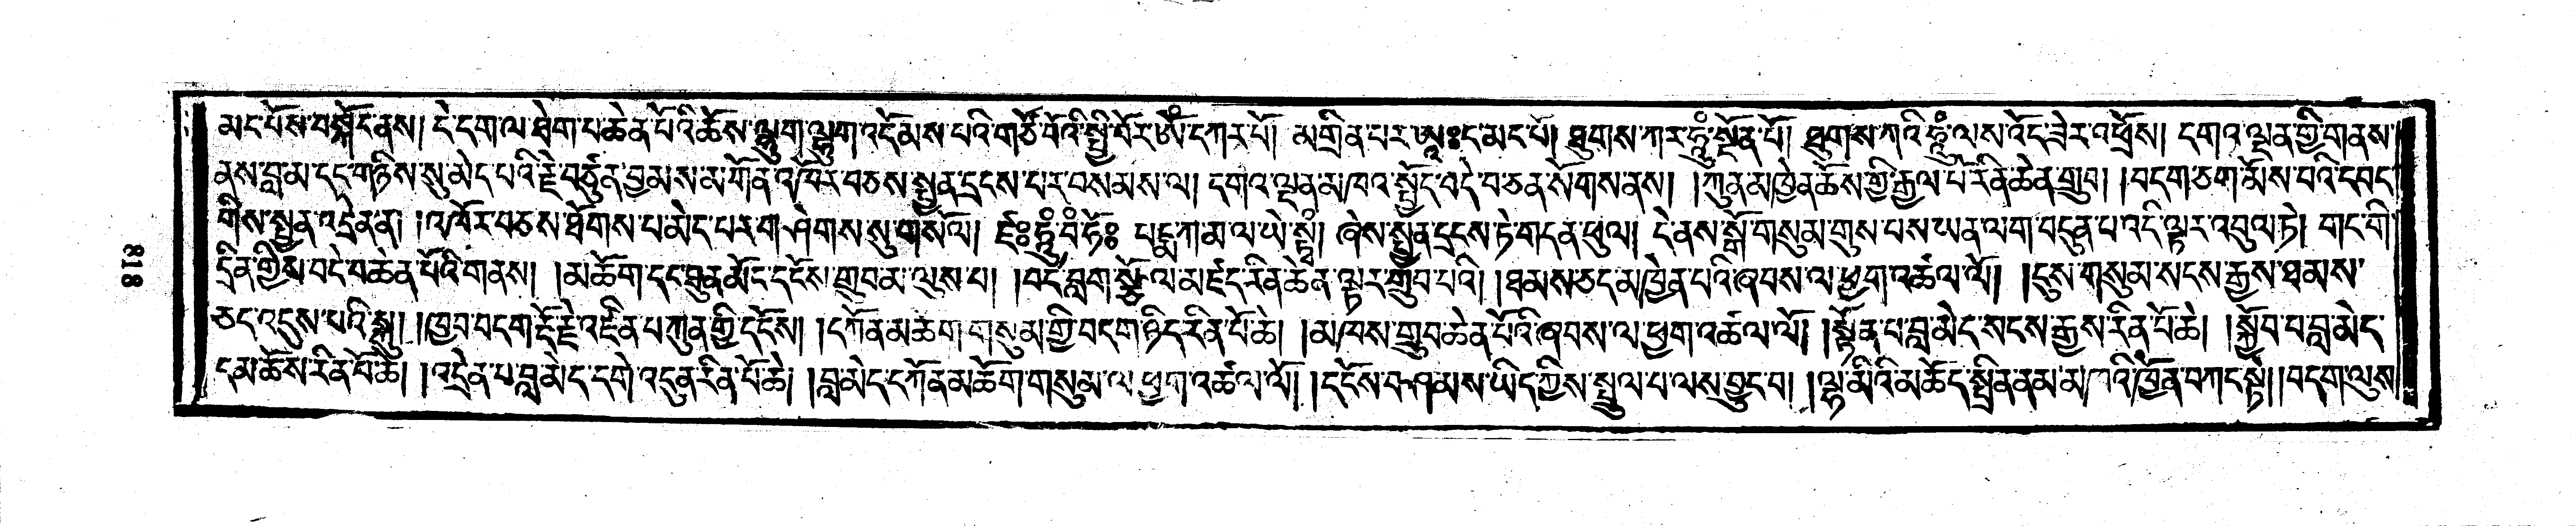མང་པོས་བསྐོར་ནས། དེ་དག་ལ་ཐེག་པ་ཆེན་པོའི་ཆོས་ལྷུག་ལྷུག་འདོམས་པའི་གཙོ་བོའི་སྤྱི་བོར་ཨོཾ་དཀར་པོ། མགྲིན་པར་ཨཱཿ དམར་པོ། ཐུགས་ཀར་ཧཱུཾ་སྔོན་པོ། ཐུགས་ཀའི་ཧཱུཾ་ལས་འོད་ཟེར་འཕྲོས། དགའ་ལྡན་གྱི་གནས་
ནས་བླ་མ་དང་གཉིས་སུ་མེད་པའི་རྗེ་བཙུན་བྱམས་མགོན་འཁོར་བཅས་སྤྱན་དྲངས་པར་བསམས་ལ། དགའ་ལྡན་མཁའ་སྤྱོད་བདེ་བ་ཅན་སོགས་ནས། །ཀུན་མཁྱེན་ཆོས་ཀྱི་རྒྱལ་པོ་རིན་ཆེན་གྲུབ། །བདག་ཅག་མོས་པའི་དབང་
གིས་སྤྱན་འདྲེན་ན། །འཁོར་བཅས་ཐོགས་པ་མེད་པར་གཤེགས་སུ་གསོལ། ཛཿ ཧཱུཾ་བཾ་ཧོཿ པདམ་ཀ་མ་ལ་ཡེ་སྟཾ། ཞེས་སྤྱན་དྲངས་ཏེ་གདན་ཕུལ། དེ་ནས་སྒོ་གསུམ་གུས་པས་ཡན་ལག་བདུན་པ་འདི་ལྟར་འབུལ་ཏེ། གང་གི་
དྲིན་གྱིས་བདེ་བ་ཆེན་པོའི་གནས། །མཆོག་དང་ཐུན་མོང་དངོས་གྲུབ་མ་ལུས་པ། །བདེ་བླག་སྩོལ་མཛད་རིན་ཆེན་ལྟར་གྲུབ་པའི། །ཐམས་ཅད་མཁྱེན་པའི་ཞབས་ལ་ཕྱག་འཚལ་ལོ། །དུས་གསུམ་སངས་རྒྱས་ཐམས་
ཅད་འདུས་པའི་སྐུ། །ཁྱབ་བདག་རྡོ་རྗེ་འཛིན་པ་ཀུན་གྱི་དངོས། །དཀོན་མཆོག་གསུམ་གྱི་བདག་ཉིད་རིན་པོ་ཆེ། །མཁས་གྲུབ་ཆེན་པོའི་ཞབས་ལ་ཕྱག་འཚལ་ལོ། །སྟོན་པ་བླ་མེད་སངས་རྒྱས་རིན་པོ་ཆེ། །སྐྱོབ་པ་བླ་མེད་
དམ་ཆོས་རིན་པོ་ཆེ། །འདྲེན་པ་བླ་མེད་དགེ་འདུན་རིན་པོ་ཆེ། །བླ་མེད་དཀོན་མཆོག་གསུམ་ལ་ཕྱག་འཚལ་ལོ། །དངོས་བཤམས་ཡིད་ཀྱིས་སྤྲུལ་པ་ལས་བྱུང་བ། །ལྷ་མིའི་མཆོད་སྤྲིན་ནམ་མཁའི་ཁྱོན་བཀང་སྟེ། །བདག་ལུས་